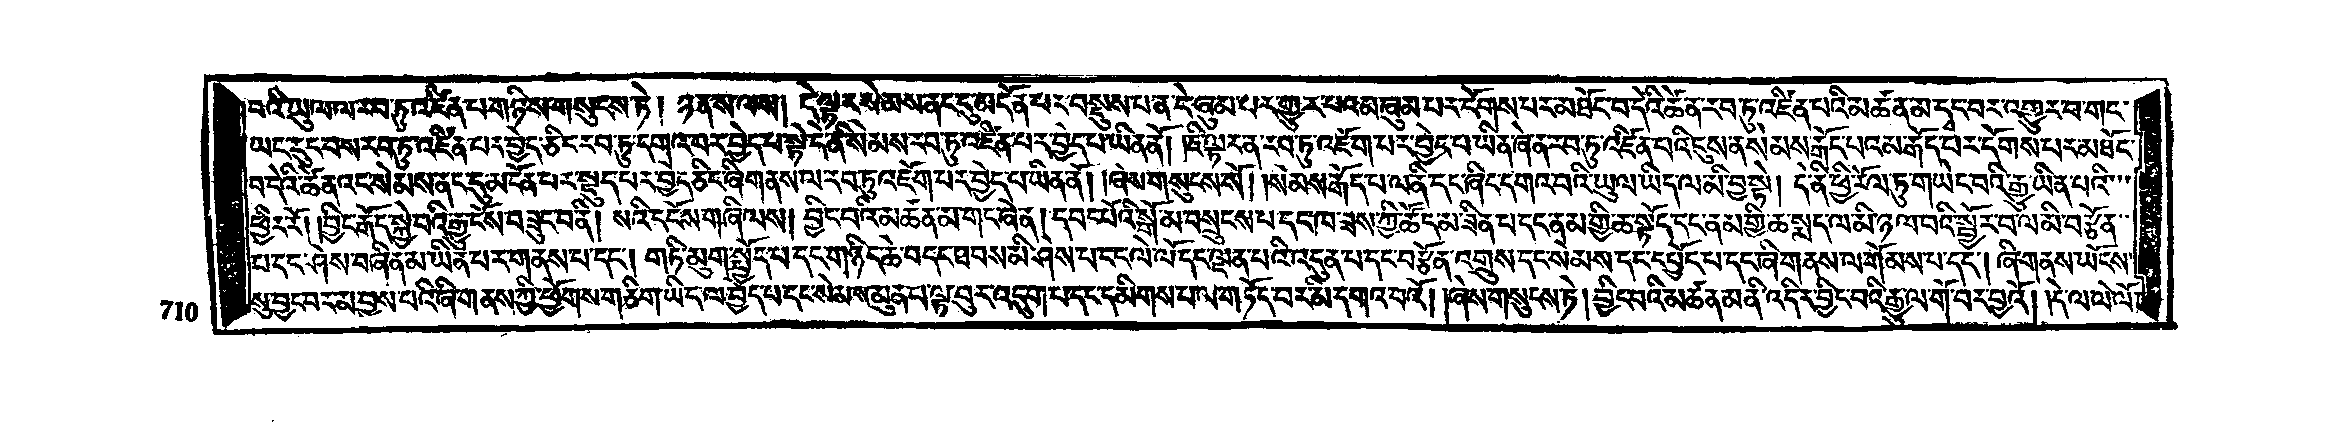བའི་ཡུལ་ལ་རབ་ཏུ་འཛིན་པ་གཉིས་གསུངས་ཏེ། ཉན་ས་ལས། དེ་ལྟར་སེམས་ནང་དུ་མངོན་པར་བསྡུས་པ་ན་དེ་ཞུམ་པར་གྱུར་པའམ་ཞུམ་པར་དོགས་པར་མཐོང་བ་དེའི་ཚེ་ན་རབ་ཏུ་འཛིན་པའི་མཚན་མ་དང་བར་འགྱུར་བ་གང་
ཡང་རུང་བས་རབ་ཏུ་འཛིན་པར་བྱེད་ཅིང་རབ་ཏུ་དགའ་བར་བྱེད་པ་སྟེ་དེ་ནི་སེམས་རབ་ཏུ་འཛིན་པར་བྱེད་པ་ཡིན་ནོ། །ཇི་ལྟར་ན་རབ་ཏུ་འཇོག་པར་བྱེད་པ་ཡིན་ཞེ་ན་རབ་ཏུ་འཛིན་པའི་དུས་ན་སེམས་རྒོད་པའམ་རྒོད་པར་དོགས་པར་མཐོང་
བ་དེའི་ཚེ་ནའང་སེམས་ནང་དུ་མངོན་པར་སྡུད་པར་བྱེད་ཅིང་ཞི་གནས་ལ་རབ་ཏུ་འཇོག་པར་བྱེད་པ་ཡིན་ནོ། །ཞེས་གསུངས་སོ། །སེམས་རྒོད་པ་ལ་ནི་དང་ཞིང་དགའ་བའི་ཡུལ་ཡིད་ལ་མི་བྱ་སྟེ། དེ་ནི་ཕྱི་རོལ་ཏུ་གཡེང་བའི་རྒྱུ་ཡིན་པའི་
ཕྱིར་རོ། །བྱིང་རྒོད་སྐྱེ་བའི་རྒྱུ་ངོས་བཟུང་བ་ནི། སའི་དངོས་གཞི་ལས། བྱིང་བའི་མཚན་མ་གང་ཞེན། དབང་པོའི་སྒོ་མ་བསྲུངས་པ་དང་ཁ་ཟས་ཀྱི་ཚོད་མ་ཟིན་པ་དང་ནམ་གྱི་ཆ་སྟོད་དང་ནམ་གྱི་ཆ་སྨད་ལ་མི་ཉལ་བའི་སྦྱོར་བ་ལ་མི་བརྩོན་
པ་དང་ཤེས་བཞིན་མ་ཡིན་པར་གནས་པ་དང་། གཏི་མུག་སྤྱོད་པ་དང་གཉིད་ཆེ་བ་དང་ཐབས་མི་ཤེས་པ་དང་ལེ་ལོ་དང་ལྡན་པའི་འདུན་པ་དང་བརྩོན་འགྲུས་དང་སེམས་དང་དཔྱོད་པ་དང་ཞི་གནས་ལ་གོམས་པ་དང་། ཞི་གནས་ཡོངས་
སུ་བྱང་བར་མ་བྱས་པའི་ཞི་གནས་ཀྱི་ཕྱོགས་གཅིག་ཡིད་ལ་བྱེད་པ་དང་སེམས་མུན་པ་ལྟ་བུར་འདུག་པ་དང་དམིགས་པ་ལ་གཏོད་པར་མི་དགའ་བའོ། །ཞེས་གསུངས་ཏེ། བྱིང་བའི་མཚན་མ་ནི་འདིར་བྱིང་བའི་རྒྱུ་ལ་གོ་བར་བྱའོ། །དེ་ལ་ལེ་ལོ་